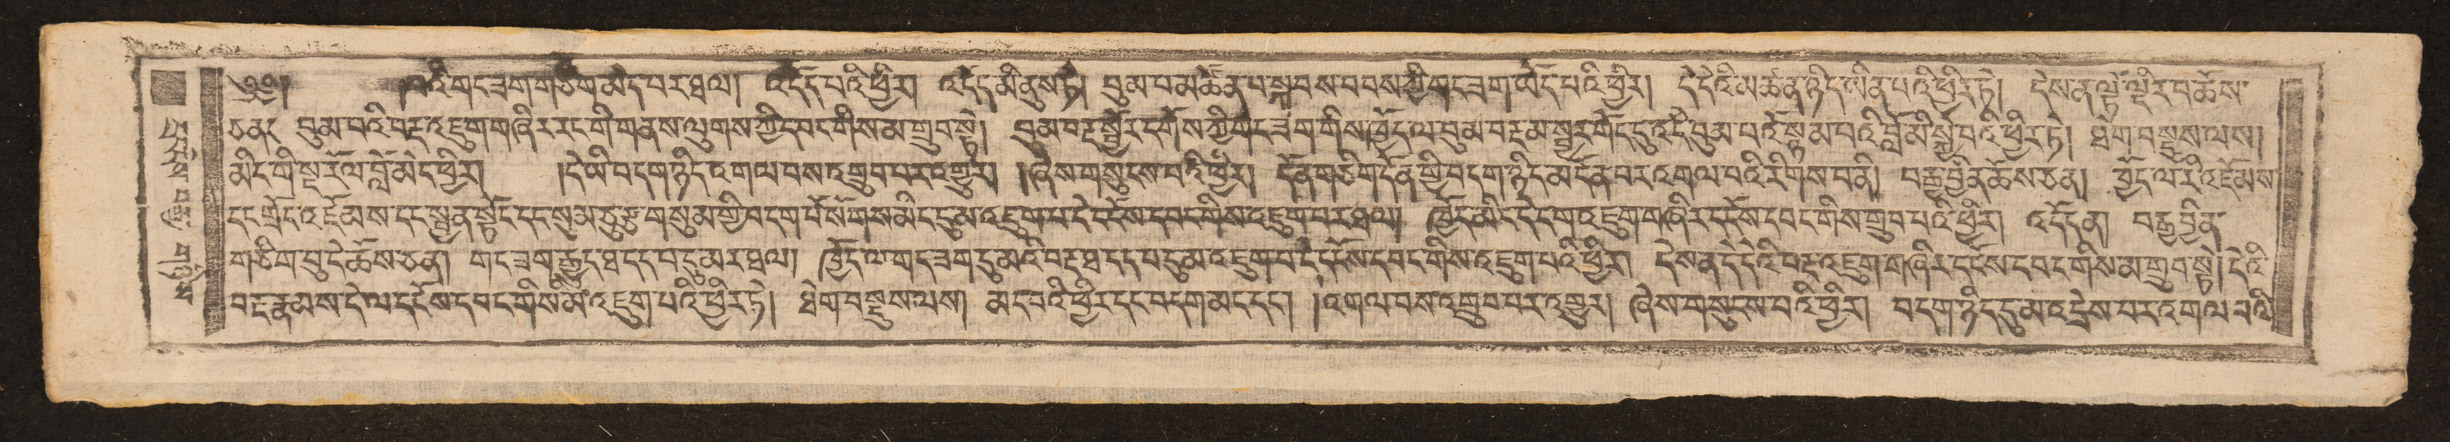༄༅། །བའི་གང་ཟག་གཅིག་མེད་པར་ཐལ། འདོད་པའི་ཕྱིར། འདོད་མི་ནུས་ཏེ། བུམ་པ་མཚོན་པ་སྐབས་བབས་ཀྱི་གང་ཟག་ཡོད་པའི་ཕྱིར། དེ་དེའི་མཚན་ཉིད་ཡིན་པའི་ཕྱིར་ཏེ། དེས་ན་ལྟོ་ལྡིར་བ་ཆོས་
ཅན༑ བུམ་པའི་བརྡ་འཇུག་གཞིར་རང་གི་གནས་ལུགས་ཀྱི་དབང་གིས་མ་གྲུབ་སྟེ། བུམ་བརྡ་སྦྱོར་དགོས་ཀྱི་གང་ཟག་གིས་ཁྱོད་ལ་བུམ་བརྡ་མ་སྦྱར་གོང་དུ་འདི་བུམ་པའོ་སྙམ་པའི་བློ་མི་སྐྱེ་བའི་ཕྱིར་ཏེ། ཐེག་བསྡུས་ལས།
མིང་གི་སྔ་རོལ་བློ་མེད་ཕྱིར། །དེ་ཡི་བདག་ཉིད་འགལ་བས་འགྲུབ་པར་འགྱུར། །ཞེས་གསུངས་པའི་ཕྱིར། དོན་གཅིག་དོན་གྱི་བདག་ཉིད་མངོན་པར་འགལ་བའི་རིགས་པ་ནི། བརྒྱ་བྱིན་ཆོས་ཅན། ཁྱོད་ལ་རི་འཇོམས་
དང་གྲོང་འཇོམས་དང་སྤྱན་སྟོང་དང་སུམ་ཅུ་རྩ་གསུམ་གྱི་བདག་པོ་སོགས་མིང་དུ་མ་འཇུག་པ་དེ་དངོས་དབང་གིས་འཇུག་པར་ཐལ། ཁྱོད་མིང་དེ་དག་འཇུག་གཞིར་དངོས་དབང་གིས་གྲུབ་པའི་ཕྱིར། འདོད་ན། བརྒྱ་བྱིན་
གཅིག་བུ་དེ་ཆོས་ཅན། གང་ཟག་རྒྱུད་ཐ་དད་པ་དུ་མར་ཐལ། ཁྱོད་ལ་གང་ཟག་དུ་མའི་བརྡ་ཐ་དད་པ་དུ་མ་འཇུག་པ་དེ་དངོས་དབང་གིས་འཇུག་པའི་ཕྱིར། དེས་ན་དེ་དེའི་བརྡ་འཇུག་གཞིར་དངོས་དབང་གིས་མ་གྲུབ་སྟེ། དེའི་
བརྡ་རྣམས་དེ་ལ་དངོས་དབང་གིས་མི་འཇུག་པའི་ཕྱིར་ཏེ། ཐེག་བསྡུས་ལས། མང་བའི་ཕྱིར་དང་བདག་མང་དང་། །འགལ་བས་འགྲུབ་པར་འགྱུར། ཞེས་གསུངས་པའི་ཕྱིར། བདག་ཉིད་དུ་མ་འདྲེས་པར་འགལ་བའི་